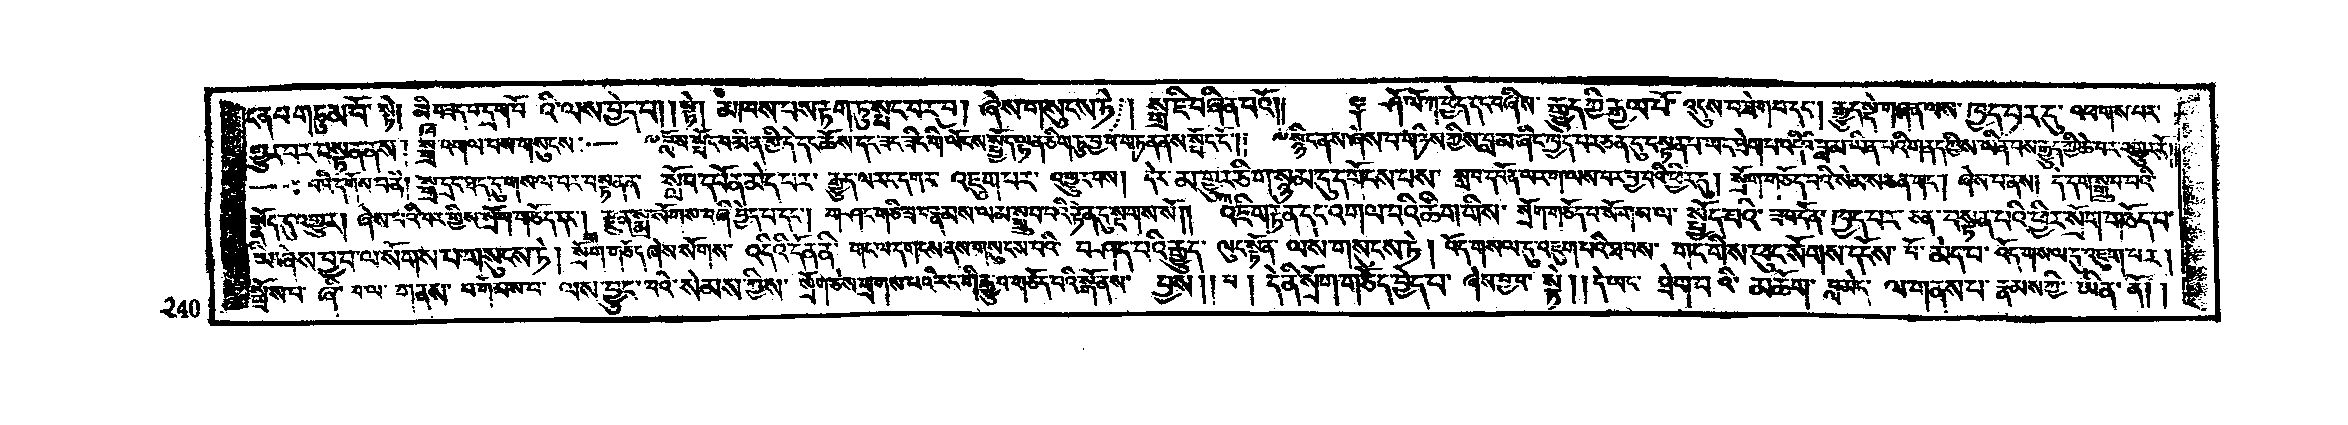ངན་པ་གཏུམ་པོ་སྟེ། མི་བཟད་པ་དྲག་པོའི་ལས་བྱེད་པ། །སྟེ། མཁས་པས་རྟག་ཏུ་སྤང་བར་བྱ། ཞེས་གསུངས་ཏེ། སྒྲ་ཇི་བཞིན་པའོ།། ༈ ཤོ་ལོ་ཀ་ཕྱེད་དང་བཞིས་རྒྱུད་ཀྱི་རྒྱལ་པོ་འདུས་པ་ཐེག་པ་དང་། རྒྱུད་སྡེ་གཞན་ལས་ཁྱད་པར་དུ་འཕགས་པར
གྱུར་པར་བསྟན་ནས། ཁ་སྒྲ་འགལ་བས་གསུངས་H.་༧་བློས་སྤོང་བ་མིན་གྱི་དེ་དང་ཆོས་དང་ཟང་ཟིང་གི་ལོངས་སྤྱོད་ལྷན་ཅིག་ཏུ་བྱ་བ་གཏན་ནས་སྤོང་ངོ།། ༧་སྙིང་ནས་ཞེས་པ་གཉིས་ཀྱིས་བླ་མ་ཞིང་ཁྱེད་པར་ཅན་དུ་བསྟན་པ་ཡང་ཐེག་པ་འདིའི་བླ་མ་ཡིན་པའི་གནད་ཀྱིས་ཡིན་པས་རྒྱུད་ཀྱི་ཆེ་བར་འགྱུར་རོ།།
.H པའི་དགོས་པ་ནི། སྒྲ་དྲང་ཐད་དུ་གསལ་བར་བསྟན་ན་སློབ་དཔོན་མེད་པར་རྒྱུད་ལ་རང་དགར་འཇུག་པར་འགྱུར་བས།  དེར་མ་གྱུར་ཅིག་སྙམ་དུ་དགོངས་པས་སློབ་དཔོན་ལ་རག་ལས་པར་བྱ་བའི་ཕྱིར་དུ། སྲོག་གཅོད་པའི་སེམས་ཅན་གང་། ཞེས་པ་ནས། དེ་དག་སྒྲུབ་པའི་
སྣོད་དུ་འགྱུར། ཞེས་པའི་བར་གྱིས་སྲོག་གཅོད་དང་། རྫུན་སྨྲ་སོགས་བཞི་བྱེད་པ་དང་། གཤང་གཅི་ཟ་བ་རྣམས་ལམ་སྒྲུབ་པའི་རྟེན་དུ་སྔགས་སོ།། འཇིག་རྟེན་དང་འགལ་བའི་ཚིག་གིས་སྲོག་གཅོད་པ་སོགས་ལ་སྤྱོད་པའི་ཟབ་དོན་ཁྱད་པར་ཅན་བསྟན་པའི་ཕྱིར་སྲོག་གཅོད་པ་
ཡི་ཞེས་བྱ་བ་ལ་སོགས་པ་གསུངས་ཏེ། ག་སྲོག་གཅོད་ཤེས་སོགས་འདིའི་དོན་ནི་གང་ལ་དགོངས་ནས་གསུངས་པའི་བཤད་པའི་རྒྱུད་ལུང་སྟོན་ལས་གསུངས་ཏེ། འོད་གསལ་དུ་འཇུག་པའི་ཐབས་གང་གིས་ཕུང་སོགས་དངོས་པོ་མེད་པ་འོད་གསལ་དུ་འཇུག་པར།
སྤྲོས་པ་ཞི་བ་ལ་གནས་པ་གོམས་པ་ལས་བྱུང་བའི་སེམས་ཀྱིས་སྲོག་ཅེས་གྲགས་པའི་རང་གི་རྒྱུ་བ་གཅོད་པའི་སྒོ་ནས་བྱས། །པ། དེ་ནི་སྲོག་གཅོད་བྱེད་པ་ཞེས་བྱ་བ་སྟེ། །དེ་ཡང་ཐེག་པའི་མཆོག་བླ་མེད་ལ་གནས་པ་རྣམས་ཀྱི་ཡིན་ནོ།།